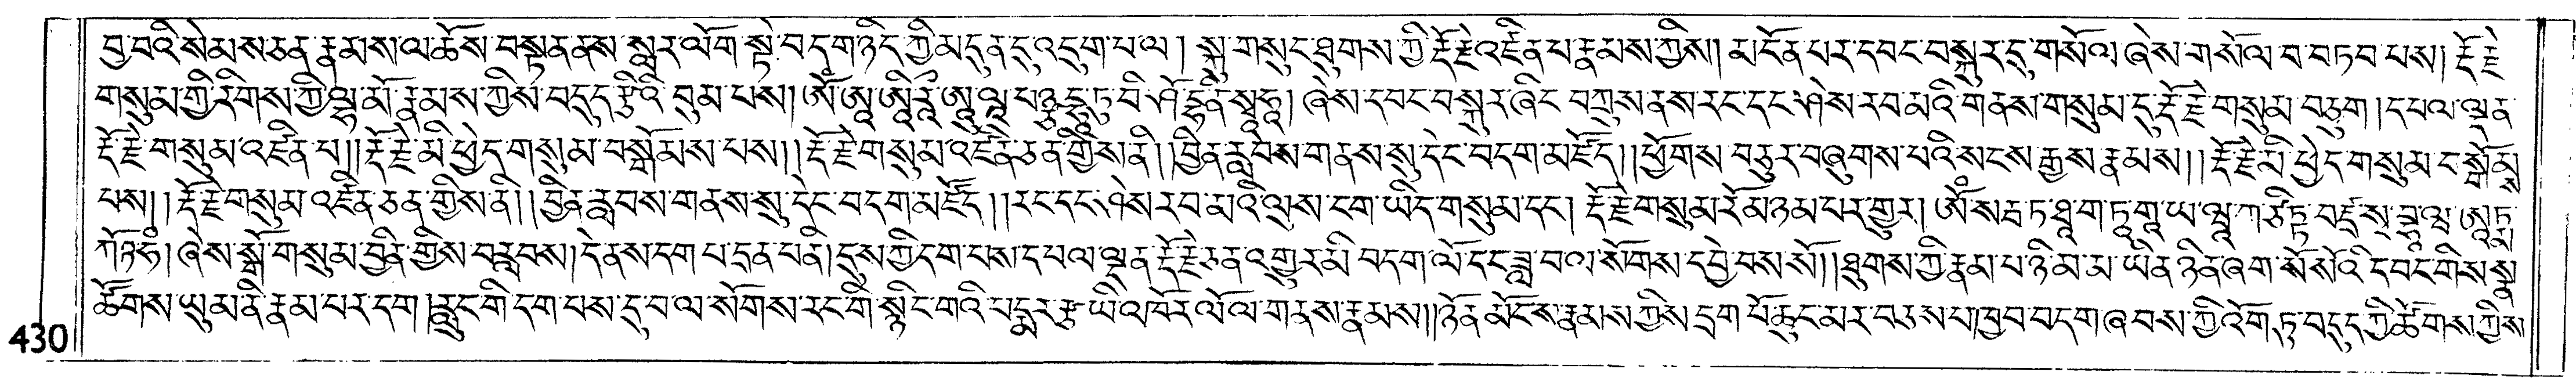བྱ་བའི་སེམས་ཅན་རྣམས་ལ་ཆོས་བསྟན་ནས་སླར་ལོག་སྟེ་བདག་ཉིད་ཀྱི་མདུན་དུ་འདུག་པ་ལ། སྐུ་གསུང་ཐུགས་ཀྱི་རྡོ་རྗེ་འཛིན་པ་རྣམས་ཀྱིས། མངོན་པར་དབང་བསྐུར་དུ་གསོལ་ཞེས་གསོལ་བ་བཏབ་པས། རྡོ་རྗེ་
གསུམ་གྱི་རིགས་ཀྱི་ལྷ་མོ་རྣམས་ཀྱིས་བདུད་རྩིའི་བུམ་པས། ཨོཾ་ཨཱ་ཨཱི་རཱྀ་ཨཱུ་ལཱ་པཉྩ་དྷཱ་ཏུ་བི་ཤོ་དྷ་ནི་སྭཱཧཱ། ཞེས་དབང་བསྐུར་ཞིང་བཀྲུས་ནས་རང་དང་ཤེས་རབ་མའི་གནས་གསུམ་དུ་རྡོ་རྗེ་གསུམ་བཅུག །དཔལ་ལྡན་
རྡོ་རྗེ་གསུམ་འཛིན་པ། །རྡོ་རྗེ་མི་ཕྱེད་གསུམ་བསྒོམས་པས། །རྡོ་རྗེ་གསུམ་འཛིན་ཅན་གྱིས་ནི། །བྱིན་རླབས་གནས་སུ་དེང་བདག་མཛོད། །ཕྱོགས་བཅུར་བཞུགས་པའི་སངས་རྒྱས་རྣམས། །རྡོ་རྗེ་མི་ཕྱེད་གསུམ་བསྒོམས་
པས། །རྡོ་རྗེ་གསུམ་འཛིན་ཅན་གྱིས་ནི། །བྱིན་རླབས་གནས་སུ་དེང་བདག་མཛོད། །རང་དང་ཤེས་རབ་མའི་ལུས་ངག་ཡིད་གསུམ་དང་། རྡོ་རྗེ་གསུམ་རོ་མཉམ་པར་གྱུར། ཨོཾ་སརྦ་ཏ་ཐཱ་ག་ཏཱ་གཱ་ཡ་ཝཱ་ཀ་ཙིཏྟ་བཛྲ་སྭ་བྷཱ་ཝ་ཨཱཏྨ་
ཀོཉ་ཧཾ། ཞེས་སྒོ་གསུམ་བྱིན་གྱིས་བརླབས། དེ་ནས་དག་པ་དྲན་པ་ནི། དུས་ཀྱི་དག་པས་དཔལ་ལྡན་རྡོ་རྗེ་ཅན་འགྱུར་མི་བདག་ལོ་དང་ཟླ་བ་ལ་སོགས་དབྱེ་བས་སོ། །ཐུགས་ཀྱི་རྣམ་པ་ཉི་མ་མ་ཡིན་ཉིན་ཞག་སོ་སོའི་དབང་གིས་སྣ་
ཚོགས་ཡུམ་ནི་རྣམ་པར་དག །རླུང་གི་དག་པས་དུ་བ་ལ་སོགས་རང་གི་སྙིན་གའི་པདམར་རྩ་ཡི་འཁོར་ལོ་ལ་གནས་རྣམས། །ཉོན་མོངས་རྣམས་ཀྱིས་དྲག་པོ་ཆུང་མར་བཅས་པ་ཁྱབ་བདག་ཞབས་ཀྱི་འོག་ཏུ་བདུད་ཀྱི་ཚོགས་ཀྱིས་